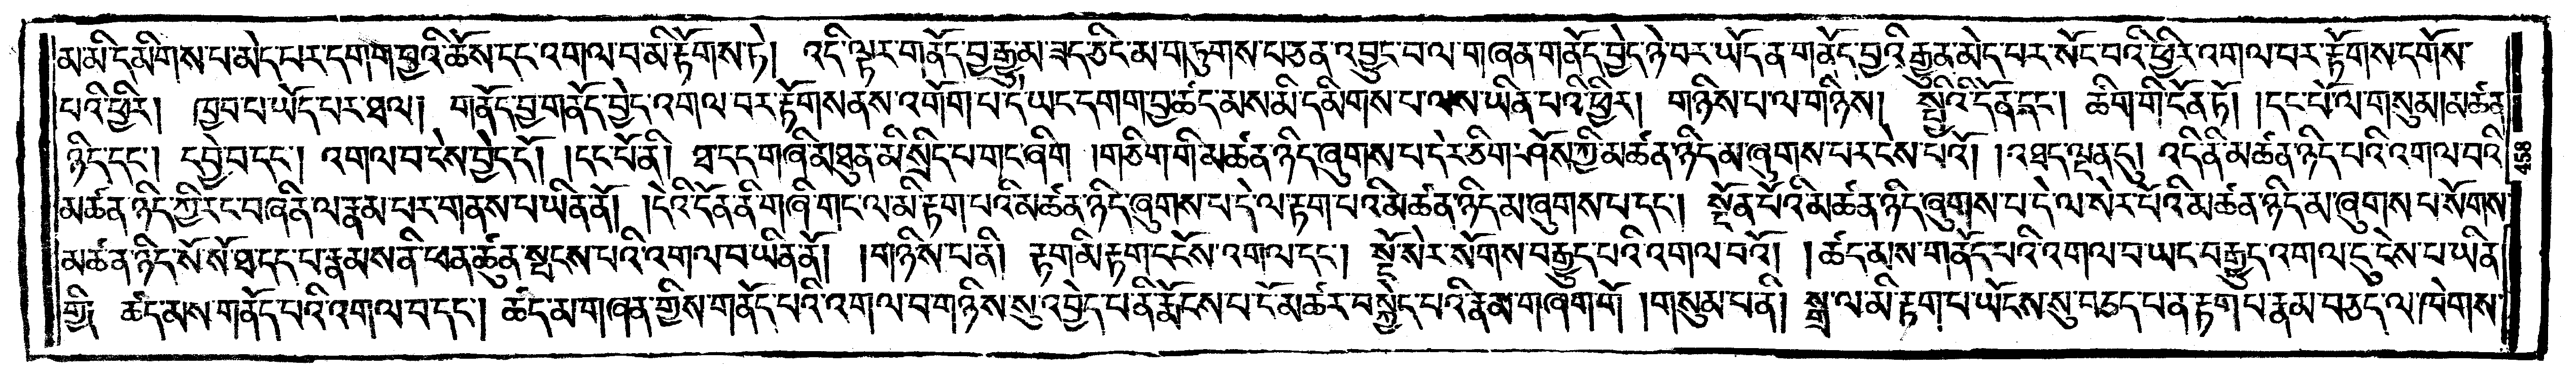མ་མི་དམིགས་པ་མེད་པར་དགག་བྱའི་ཆོས་དང་འགལ་བ་མི་རྟོགས་ཏེ། འདི་ལྟར་གནོད་བྱ་རྒྱུ་མ་ཟད་ཅིང་མ་གཏུགས་པ་ཅན་འབྱུང་བ་ལ་གཞན་གནོད་བྱེད་ཉེ་བར་ཡོད་ན་གནོད་བྱའི་རྒྱུན་མེད་པར་སོང་བའི་ཕྱིར་འགལ་པར་རྟོགས་དགོས་
པའི་ཕྱིར། ཁྱབ་པ་ཡོད་པར་ཐལ། གནོད་བྱ་གནོད་བྱེད་འགལ་བར་རྟོགས་ནས་འགོག་པ་དེ་ཡང་དགག་བྱ་ཚད་མས་མི་དམིགས་པ་ལས་ཡིན་པའི་ཕྱིར། གཉིས་པ་ལ་གཉིས། སྤྱིའི་དོན་དང་། ཚིག་གི་དོན་ཏོ། །དང་པོ་ལ་གསུམ། མཚན་
ཉིད་དང་། དབྱེ་བ་དང་། འགལ་བ་ངེས་བྱེད་དོ། །དང་པོ་ནི། ཐ་དད་གཞི་མཐུན་མི་སྲིད་པ་གང་ཞིག །གཅིག་གི་མཚན་ཉིད་ཞུགས་པ་དེར་ཅིག་ཤོས་ཀྱི་མཚན་ཉིད་མ་ཞུགས་པར་ངེས་པའོ། །འཐད་ལྡན་དུ། འདི་ནི་མཚན་ཉིད་པའི་འགལ་བའི་
མཚན་ཉིད་ཀྱི་རང་བཞིན་ལ་རྣམ་པར་གནས་པ་ཡིན་ནོ། །དེའི་དོན་ནི་གཞི་གང་ལ་མི་རྟག་པའི་མཚན་ཉིད་ཞུགས་པ་དེ་ལ་རྟག་པའི་མཚན་ཉིད་མ་ཞུགས་པ་དང་། སྔོན་པོའི་མཚན་ཉིད་ཞུགས་པ་དེ་ལ་སེར་པོའི་མཚན་ཉིད་མ་ཞུགས་པ་སོགས་
མཚན་ཉིད་སོ་སོ་ཐ་དད་པ་རྣམས་ནི་ཕན་ཚུན་སྤངས་པའི་འགལ་བ་ཡིན་ནོ། །གཉིས་པ་ནི། རྟག་མི་རྟག་དངོས་འགལ་དང་། སྔོ་སེར་སོགས་བརྒྱུད་པའི་འགལ་བའོ། །ཚད་མས་གནོད་པའི་འགལ་བ་ཡང་བརྒྱུད་འགལ་དུ་ངེས་པ་ཡིན་
གྱི། ཚད་མས་གནོད་པའི་འགལ་བ་དང་། ཚད་མ་གཞན་གྱིས་གནོད་པའི་འགལ་བ་གཉིས་སུ་འབྱེད་པ་ནི་རྨོངས་པ་ངོ་མཚར་བསྐྱེད་པའི་རྣམ་གཞག་གོ །གསུམ་པ་ནི། སྒྲ་ལ་མི་རྟག་པ་ཡོངས་སུ་བཅད་པ་ན་རྟག་པ་རྣམ་བཅད་ལ་ཁེགས་